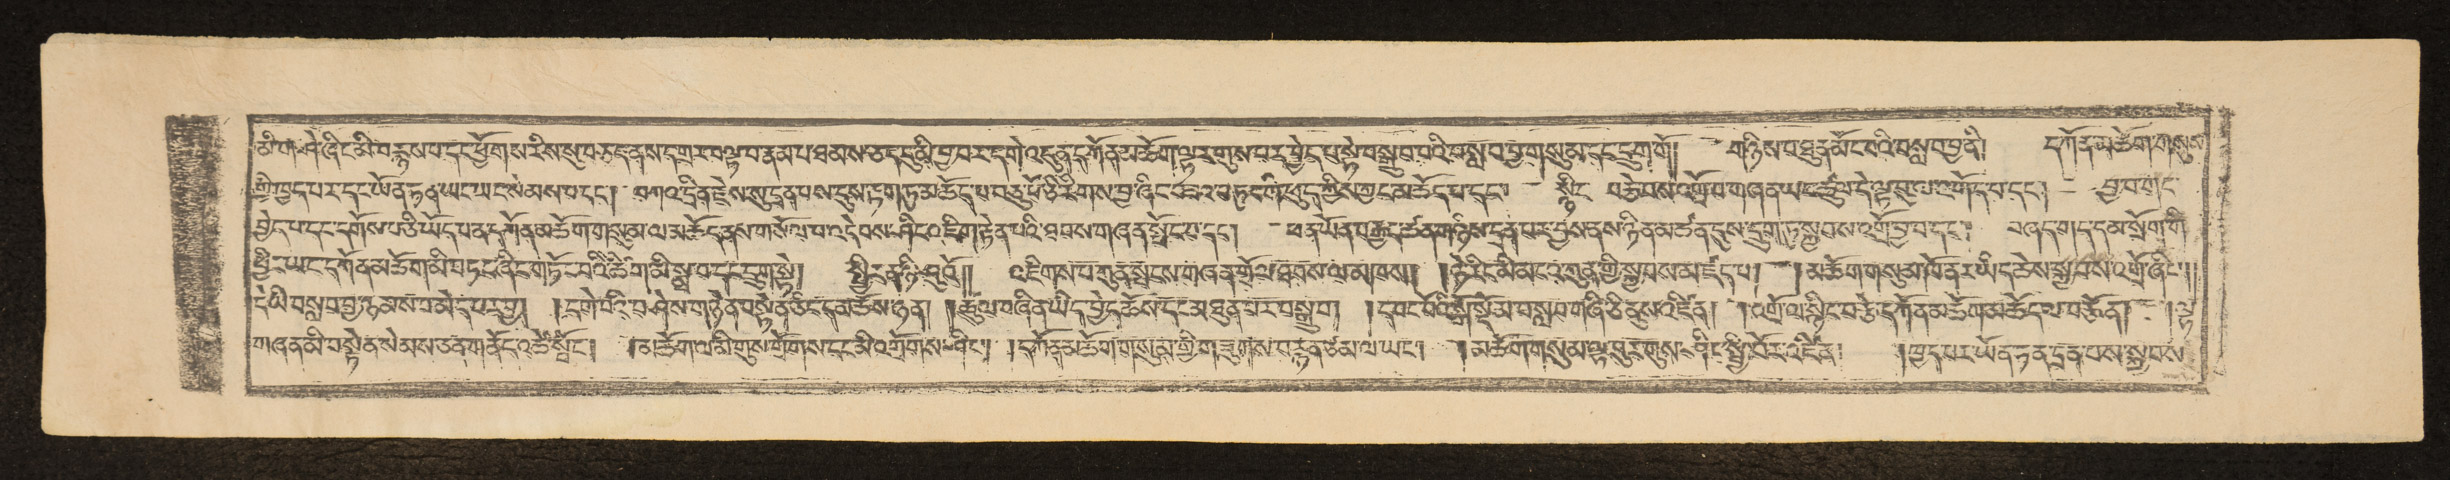མི་གཤེ་ཞིང་མི་བརྙས་པ་དང་ཕྱོགས་རིས་སུ་བཅད་ནས་དགྲར་བལྟ་བ་རྣམ་པ་ཐམས་ཅད་དུ་མི་བྱ་བར་དགེ་འདུན་དཀོན་མཆོག་ལྟར་གུས་པར་བྱེད་པ་སྟེ་བསྒྲུབ་པའི་བསླབ་བྱ་གསུམ་དང་དྲུག་གོ། གཉིས་པ་ཐུན་མོང་བའི་བསླབ་བྱ་ནི། དཀོན་མཆོག་གསུམ་
གྱི་ཁྱད་པར་དང་ཡོན་ཏན་ཡང་ཡང་སེམས་པ་དང་། བཀའ་དྲིན་རྗེས་སུ་དྲན་པས་དུས་རྟག་ཏུ་མཆོད་པ་བཅུ་པོ་ཅི་རིགས་བྱ་ཞིང་བཟའ་བཏུང་གི་ཕུད་ཀྱིས་ཀྱང་མཆོད་པ་དང་། སྙིང་བརྩེ་བས་འགྲོ་བ་གཞན་ཡང་ཚུལ་དེ་ལྟ་བུ་ལ་འགོད་པ་དང་། བྱ་བ་གང་
བྱེད་པ་དང་དགོས་པ་ཅི་ཡོད་པ་ན་དཀོན་མཆོག་གསུམ་ལ་མཆོད་ནས་གསོལ་པ་འདེབས་ཤིང་འཇིག་རྟེན་པའི་ཐབས་གཞན་སྤོང་བ་དང་། ཕན་ཡོན་བརྒྱད་ཚན་གཉིས་དྲན་པར་བྱས་ནས་ཉིན་མཚན་དུས་དྲུག་ཏུ་སྐྱབས་འགྲོ་བྱ་བ་དང་། བཞད་གད་དམ་སྲོག་གི་
ཕྱིར་ཡང་དཀོན་མཆོག་མི་བཏང་ཞིང་གཏོང་པའི་ཚིག་མི་སྨྲ་བ་དང་དྲུག་སྟེ། སྤྱིར་ན་ཉི་ཤུའོ།། འཇིགས་པ་ཀུན་སྤངས་གཞན་གྲོལ་ཐབས་ལ་མཁས། །ཉེ་རིང་མི་མངའ་ཀུན་གྱི་སྐྱབས་མཛད་པ། །མཆོག་གསུམ་ཁོ་ནར་ཡིད་ཅེས་སྐྱབས་འགྲོ་ཞིང།།
དེ་ཡི་བསླབ་བྱ་ཉམས་པ་མེད་པར་བྱ། །དགེ་པའི་བཤེས་གཉེན་བསྟེན་ཅིང་དམ་ཆོས་ཉན། །ཚུལ་བཞིན་ཡིད་བྱེད་ཆོས་དང་མཐུན་པར་བསྒྲུབ། །དབང་པོའི་སྒོ་སྡོམ་པ་སླབ་གཞི་ཅི་ནུས་འཛིན། །འགྲོ་ལ་སྙིང་བརྩེ་དཀོན་མཆོག་མཆོད་ལ་བརྩོན། །ལྷ་
གཞན་མི་བསྟེན་སེམས་ཅན་གནོད་འཚེ་སྤོང་། །མཆོག་ལ་མི་གུས་གྲོགས་དང་མི་འགྲོགས་ཤིང་། །དཀོན་མཆོག་གསུམ་གྱི་གཟུགས་བརྙན་ཙམ་ལ་ཡང་། །མཆོག་གསུམ་ལྟ་བུར་གུས་ཤིང་སྦྱི་བོར་འཛིན། །ཁྱད་པར་ཡོན་ཏན་དྲན་པས་སྐྱབས་